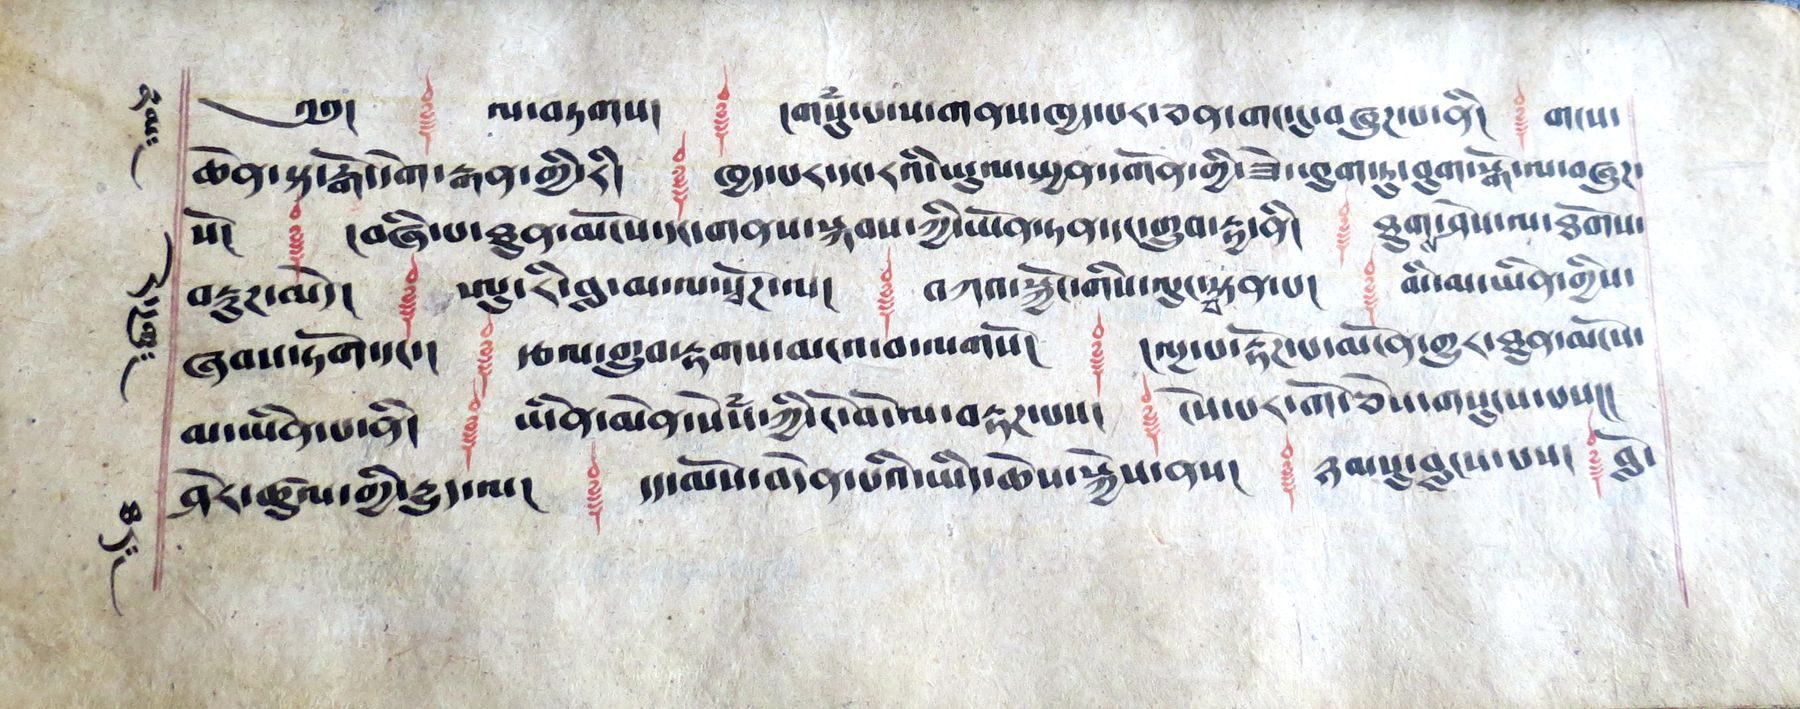ལ་བཏགས། གསུམ་པ་ས་གནས་ཁྱད་པར་ཅན་གང་དུ་བཞུགས་པ་ནི། གངས་
ཆེན་རྟ་སྒོ་དགེ་རྒན་གྱི་རི། ཁྱད་པར་དྭང་རའི་སྤྱན་དགོན་གྱི་ཟེ་ཕུག་ཏུ་བུག་སྒོ་ལ་བཞུགས་
སོ། ། བཞི་པ་ཐུན་མོང་དང་གནས་སྐབས་ཀྱི་ཡོན་ཏན་གྲུབ་རྟགས་ནི། ཐུགས་ཤེས་ལ་ཐོགས་
རྡུགས་མེད། ཨུ་རི་བླ་མ་ལས་སོགས་ལ་བཀའ་སྐྱོང་གིས་ལུང་སྟོན་པ། མི་མ་ཡིན་གྱིས་
ཞབས་ཏོག་དང་། རྩལ་གྲུབ་རྟགས་མངའ་བ་ལགས་སོ། ། ལྔ་པ་རྟོགས་པ་མངོན་གྱུར་ཐུན་མོང
མ་ཡིན་པ་ནི། ཡིན་མིན་སེམས་ཀྱི་ངོ་བོ་ལ་བརྟགས་པས། ངེས་པར་གོ་ཞེས་གསུངས་པས། 
ཤེར་ཚུལ་གྱི་རྒྱུད་ལ་དད་མོས་བདེན་པའི་ཡིད་ཆེས་སྐྱེས་ནས། ཉམས་སུ་བླངས་པས། བློ་